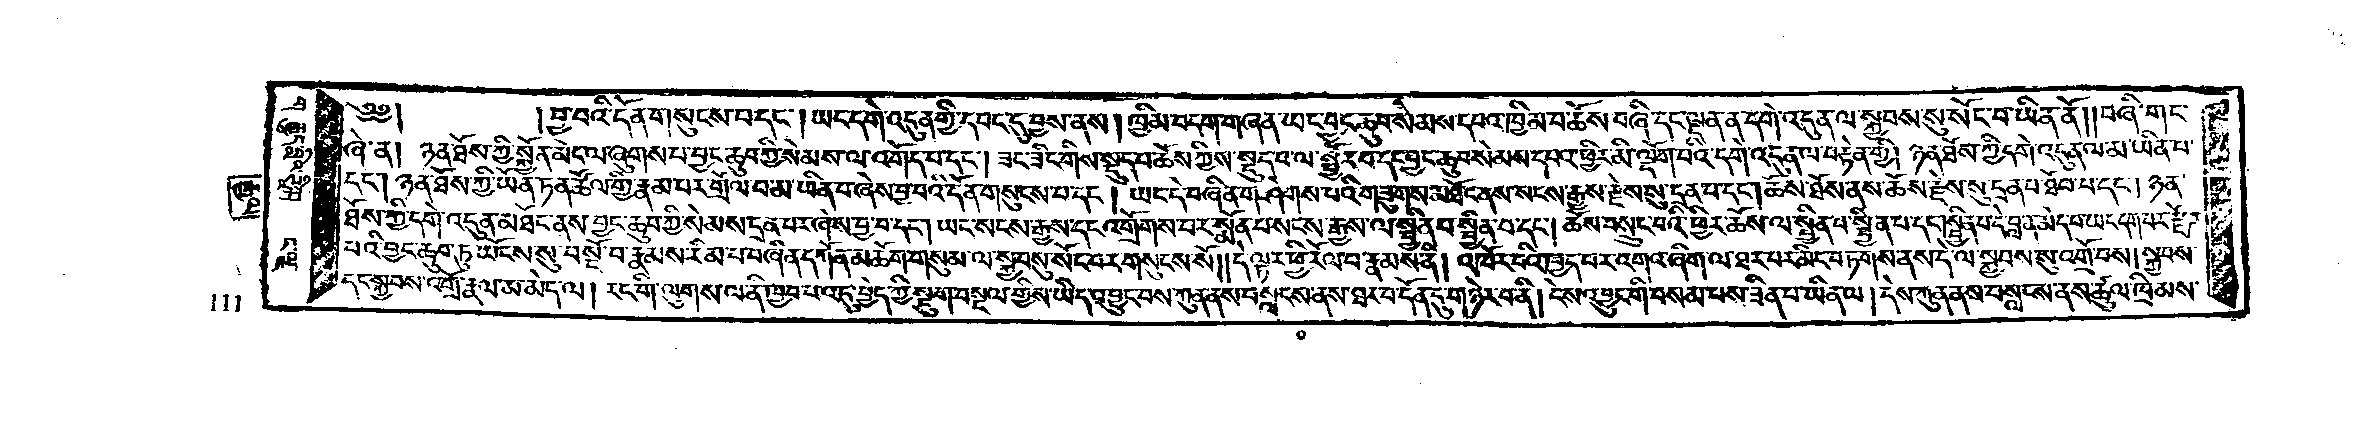༄༅། །བྱ་བའི་དོན་གསུངས་པ་དང་། ཡང་དགེ་འདུན་གྱི་དབང་དུ་བྱས་ནས། ཁྱིམ་བདག་གཞན་ཡང་བྱང་ཆུབ་སེམས་དཔའ་ཁྱིམ་པ་ཆོས་བཞི་དང་ལྡན་ན་དགེ་འདུན་ལ་སྐྱབས་སུ་སོང་བ་ཡིན་ནོ། །བཞིན་གང་
ཞེ་ན། ཉན་ཐོས་ཀྱི་སྐྱོན་མེད་ལ་ཞུགས་པ་བྱང་ཆུབ་ཀྱི་སེམས་ལ་འགོད་པ་དང་། ཟང་ཟིང་གིས་སྡུད་པ་ཆོས་ཀྱིས་སྡུད་པ་ལ་སྦྱོར་བ་དང་བྱང་ཆུབ་སེམས་དཔའ་ཕྱིར་མི་ལྡོག་པའི་དགེ་འདུན་ལ་བརྟེན་གྱི་།ཉན་ཐོས་ཀྱི་དགེ་འདུན་ལ་མ་ཡིན་པ་
དང༑ ཉན་ཐོས་ཀྱི་ཡོན་ཏན་ཚོལ་གྱི་རྣམ་པར་གྲོལ་བ་མ་ཡིན་པ་ཞེས་བྱ་བའི་དོན་གསུངས་པ་དང་། ཡང་དེ་བཞིན་གཤེགས་པའི་གཟུགས་མཐོང་ནས་སངས་རྒྱས་རྗེས་སུ་དྲན་པ་དང་། ཆོས་ཐོས་ནས་ཆོས་རྗེས་སུ་དྲན་པ་ཐོབ་པ་དང་། ཉན་
ཐོས་ཀྱི་དགེ་འདུན་མཐོང་ནས་བྱང་ཆུབ་ཀྱི་སེམས་དྲན་པར་ཞེས་བྱ་བ་དང་། ཡང་སངས་རྒྱས་དང་འགྲོགས་པར་སྨོན་པ་སངས་རྒྱས་ལས་སྦྱིན་པ་སྦྱིན་པ་དང་། ཆོས་བསྲུང་བའི་ཕྱིར་ཆོས་ལ་སྦྱིན་པ་སྦྱིན་པ་དང་། སྦྱིན་པ་དེ་བླ་ན་མེད་པ་ཡང་དག་པར་རྫོགས་
པའི་བྱང་ཆུབ་ཏུ་ཡོངས་སུ་བསྔོ་བ་རྣམས་རིམ་པ་བཞིན་དཀོན་མཆོག་གསུམ་ལ་སྐྱབས་སུ་སོང་བར་གསུངས་སོ། །དེ་ལྟར་ཕྱི་རོལ་པ་རྣམས་ནི། འཁོར་བའི་ཁྱད་པར་འགའ་ཞིག་ལ་ཐར་པར་མིང་བཏགས་ནས་དེ་ལ་སྐྱབས་སུ་འགྲོ་བས། སྐྱབས་
དང་སྐྱབས་འགྲོ་རྣལ་མ་མེད་ལ། རང་གི་ལུགས་ལ་ནི་ཁྱབ་པར་འདུ་བྱེད་ཀྱི་སྡུག་བསྔལ་གྱིས་ཡིད་འབྱུང་བས་ཀུན་ནས་བསླངས་ནས་ཐར་པ་དོན་དུ་གཉེར་བ་ནི། ངེས་འབྱུང་གི་བསམ་པས་ཞིན་པ་ཡིན་ལ། དེས་ཀུན་ནས་བསླངས་ནས་ཚུལ་ཁྲིམས་